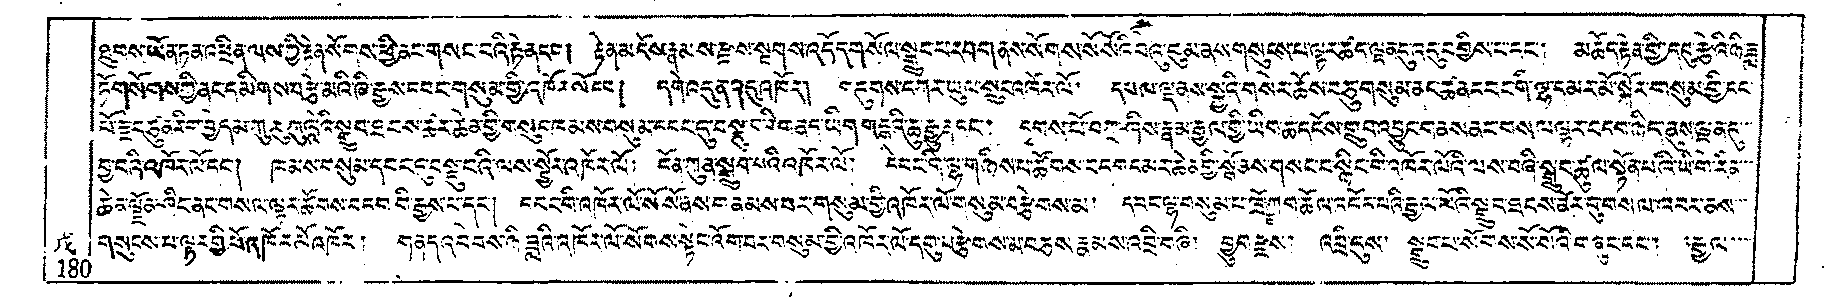ཐུགས་ཡོན་ཏན་འཕྲིན་ལས་ཀྱི་རྟེན་སོགས་ཕྱི་ནང་གསང་བའི་རྟེན་དང་། རྟེན་མངོས་རྣམས་རྫས་སྔགས་འདོད་གསོལ་སྒྲུབ་པ་རབ་གནས་སོགས་སོ་སོའི་བེའུ་བུམ་ནས་གསུངས་པ་ལྟར་ཚད་ལྡན་དུ་འདུ་བགྱིས་པ་དང་། མཆོད་རྟེན་གྱི་དབུ་རྩེའི་ཉི་ཟླ་
ཏོག་སོགས་ཀྱི་ནང་དམིགས་བརྩེ་མའི་ཞི་རྒྱས་དབང་གསུམ་གྱི་འཁོར་ལོ་དང་། དགེ་འདུན་འདུ་འཁོར། གདུགས་དཀར་ཡུལ་སྲུང་འཁོར་ལོ། དཔལ་ལྡན་ས་སྐྱའི་གསེར་ཆོས་བཅུ་གསུམ་ནང་ཚན་དབང་གི་ལྷ་དམར་མོ་སྐོར་གསུམ་གྱི་དང་
པོ་རྗེ་བཙུན་རིག་བྱེད་མ་ཀུ་རུ་ཀུ་ལEའི་སྒྲུབ་ཐབས་ཚར་ཆེན་གྱི་གསུང་ཁམས་གསུམ་དབང་དུ་བསྡུ་བའི་གནད་ཡིག་གངྒའི་ཆུ་རྒྱུན་དང་། དྭགས་པོ་བཀྲ་ཤིས་རྣམ་རྒྱལ་གྱི་ཡིག་ཆ་དངོས་གྲུབ་འབྱུང་གནས་ནང་གསལ་ལྟར་བདག་ཉིད་ནུས་ལྡན་དུ་
བྱ་བའི་འཁོར་ལོ་དང་། ཁམས་གསུམ་དབང་དུ་བསྡུ་བའི་ལས་སྦྱོར་འཁོར་ལོ། དོན་ཀུན་སྒྲུབ་པའི་འཁོར་ལོ། དབང་གི་ལྷ་གཉིས་པ་ཚོགས་བདག་དམར་ཆེན་གྱི་སྒོ་ནས་གསང་བ་སྙིང་གི་འཁོར་ལོའི་ལས་བཞི་སྒྲུབ་ཚུལ་སྟོན་པའི་ཡི་གེ་རིན་
ཆེན་ལྗོན་ཤིང་ནང་གསལ་ལྟར་ཚོགས་བདག་གི་རྒྱས་པ་དང་། དབང་གི་འཁོར་ལོ་སོ་སོ་ནས་གནམས་བར་གསུམ་གྱི་འཁོར་ལོ་གསུམ་བརྩེགས་མ། དབང་ལྷ་གསུམ་པ་ཁྲོ་བོ་ཀག་ཆོལ་འདོད་པའི་རྒྱལ་པོའི་སྒྲུབ་ཐབས་ནོར་བུ་གསལ་འབར་ནས་
གསུངས་པ་ལྟར་གྱི་ཕོ་འཁོར་མོ་འཁོར། གནད་འབེབས་ཉི་ཟླའི་འཁོར་ལོ་སོགས་སྟེང་འོག་བར་གསུམ་གྱི་འཁོར་ལོ་དགུ་བརྩེགས་མ་བཅས་རྣམས་འབྲི་གཞི། བྱུག་རྫས། འབྲི་དུས། སྒྲུབ་པ་སོགས་སོ་སོའི་གཞུང་དང་། ༧རྒྱལ་